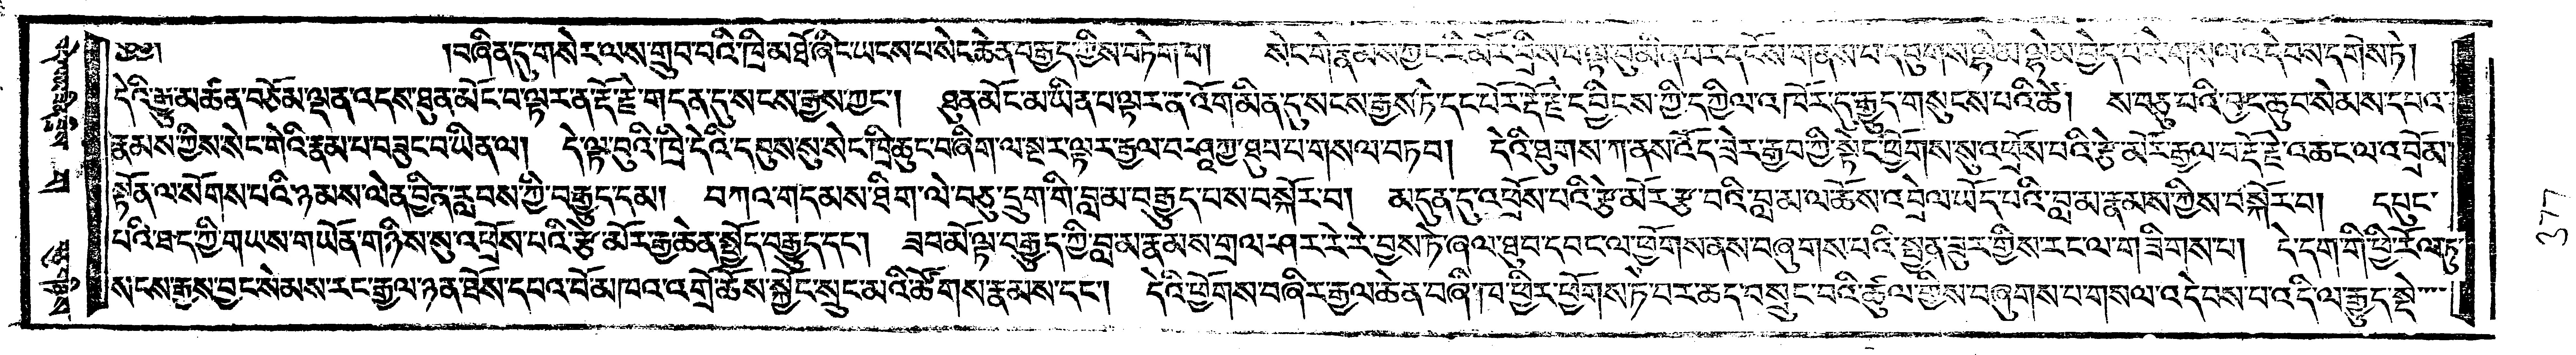༄༅། །བཞིན་དུ་གསེར་ལས་གྲུབ་པའི་ཁྲི་མཐོ་ཞིང་ཡངས་བ་སེང་ཆེན་བརྒྱད་ཀྱིས་བཏེག་པ། སེང་གེ་རྣམས་ཀྱང་རི་མོར་བྲིས་བ་ལྟ་བུ་མིན་པར་དངོས་གནས་པ་དབུགས་ལྷེམ་ལྷེམ་བྱེད་པ་རེ་གསལ་འདེབས་དགོས་ཏེ།
དེའི་རྒྱུ་མཚན་བཅོམ་ལྡན་འདས་ཐུན་མོང་བ་ལྟར་ན་རྡོ་རྗེ་གདན་དུ་སངས་རྒྱས་ཀྱང་། ཐུན་མོང་མ་ཡིན་པ་ལྟར་ན་འོག་མིན་དུ་སངས་རྒྱས་ཏེ་དང་པོར་རྡོ་རྗེ་དབྱིངས་ཀྱི་དཀྱིལ་འཁོར་དུ་རྒྱུད་གསུངས་པའི་ཚེ། ས་བཅུ་བའི་བྱང་ཆུབ་སེམས་དཔའ་
རྣམས་ཀྱིས་སེང་གེའི་རྣམ་པ་བཟུང་བ་ཡིན་ལ། དེ་ལྟ་བུའི་ཁྲི་དེའི་དབུས་སུ་སེང་ཁྲི་ཆུང་བཞིག་ལ་སྔར་ལྟར་རྒྱལ་བ་ཤཱཀྱ་ཐུབ་པ་གསལ་བཏབ། དེའི་ཐུགས་ཀ་ནས་འོད་ཟེར་རྒྱབ་ཀྱི་སྟེང་ཕྱོགས་སུ་འཕྲོས་པའི་རྩེ་མོར་རྒྱལ་བ་རྡོ་རྗེ་འཆང་ལ་འབྲོམ་
སྟོན་ལ་སོགས་བའི་ཉམས་ལེན་བྱིན་རླབས་ཀྱི་བརྒྱུད་དམ། བཀའ་གདམས་ཐིག་ལེ་བཅུ་དྲུག་གི་བླ་མ་བརྒྱུད་པས་བསྐོར་བ། མདུན་དུ་འཕྲོས་པའི་རྩེ་མོར་རྩ་བའི་བླ་མ་ལ་ཆོས་འབྲེལ་ཡོད་པའི་བླ་མ་རྣམས་ཀྱིས་བསྐོར་བ། དབུང་
བའི་ཐད་ཀྱི་གཡས་གཡོན་གཉིས་སུ་འཕྲོས་པའི་རྩེ་མོར་རྒྱ་ཆེན་སྤྱོད་བརྒྱུད་དང་། ཟབ་མོ་ལྟ་བརྒྱུད་ཀྱི་བླ་མ་རྣམས་གྲལ་ཤར་རེ་རེ་བྱས་ཏེ་ཞལ་ཐུབ་དབང་ལ་ཕྱོགས་ནས་བཞུགས་པའི་སྤྱན་ཟུར་གྱིས་རང་ལ་གཟིགས་པ། དེ་དག་གི་ཕྱི་རོལ་ཏུ་
སངས་རྒྱས་བྱང་སེམས་རང་རྒྱལ་ཉན་ཐོས་དཔའ་བོ་མཁའ་འགྲོ་ཆོས་སྐྱོང་སྲུང་མའི་ཚོགས་རྣམས་དང་། དེའི་ཕྱོགས་བཞིར་རྒྱལ་ཆེན་བཞི་ཁ་ཕྱིར་ཕྱོགས་ཏེ་བར་ཆད་བསྲུང་བའི་ཚུལ་གྱིས་བཞུགས་པ་གསལ་འདེབས་པ་འདི་ལ་རྒྱུད་སྡེ་